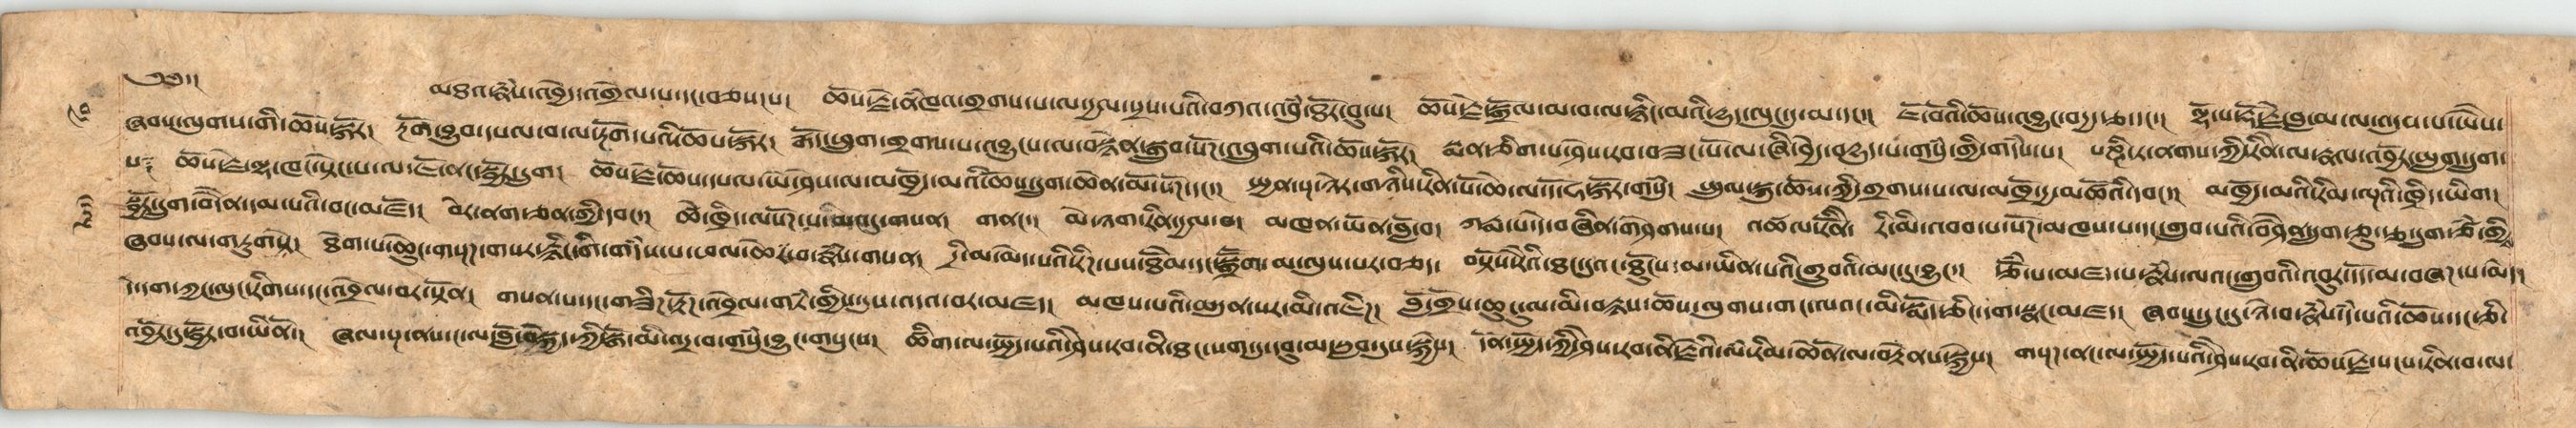མཐའ་རྣཾས་འབྱེད་འགྲེལ་པ་དང་བཅས།པ། ཆོས་རྗེ་ནཾཁའ་གྲགས་པ་ལ་དྱལ་སྲས་པའི་བཀའ་འབུཾ་ཐོར་བུ་པ། ཆོས་རྗེ་སྒྲོལ་མ་བ་ལ་རྙིང་མའི་དྱུད་ལུང་དུ་མ་དང་། ཇོ་བོའི་ཆོས་འབྱུང་བདྱ་རྩ་དང་། ལྷོ་པ་རྡོ་རྗེ་བླ་མ་ལ་འདུས་པ་ཡཻས་
ཞབས་ལུགས་གི་ཆོས་སྐོར། རྔོག་བྱུབ་དཔལ་བ་ལ་རྔོག་པའི་ཆོས་སྐོར། རྒོད་ཕྲུག་གྲགས་པ་འབྱུངས་ལ་བསྙེན་སྒྲུབ་སོཌ་འབྲུག་པའི་ཆོས་སྐོར། སྨན་ཅིག་པ་ཤེས་རབ་བཟང་པོ་ལ་ཞི་བྱེད་བདྱུད་པ་གསུཾ་གྱི་གདཾས་པ། པཎྜི་ཏ་ནགས་ཀྱི་རིནེ་ལ་རྣལ་འབྱོར་ཡླག་དྲུག་
པ༑ ཆོས་རྗེ་ལྷ་ཁང་སྟེང་པ་ལ་ཇོ་ནང་སྦྱོར་དྲུག། ཆོས་རྗེ་ཆོས་དཔལ་ཡེ་ཤེས་ལ་མཁྱོད་མའི་ཆོས་དྲུག་ཆེན་མོ་སོཌ་དང་། སྤྱན་སྔ་ཉེར་གཉིས་རིན་པོ་ཆེ་ལ་དོ་ཧ་སྐོར་གསུཾ། སྤྲུལ་སྐུ་ཆོས་ཀྱི་གྲགས་པ་ལ་མཁྲོ་དྱ་མཚོའི་དབང་། མཁྱོད་མའི་རིམ་ལྔའི་ཁྲིད་ཡིག་
སྦྱོར་དྲུག་བདཻན་དམ་པའི་བང་མཛོད། བེར་ནག་ཅན་གྱི་དབང་། ཚེ་ཁྲིད་ལསོཌ་པ་མང་དུ་གསན། གནང་། མེ་ཉག་རིན་དྱལ་བ། མཁན་་ཡོན་བློ་བ་ ཀརྨ་པ་དེ་བཞིན་གཤེགས་པ། འཚལ་རིནོ་ེ རི་མི་འབབ་པ་སོཌ་མཁས་པ་དང་གྲུབ་པའི་བཤཻན་དྲུག་ཅུ་རྩ་དྲུག་ཙཾ་གྱི
ཞབས་ལ་གཏུགསྟེ། ཐེག་པ་ཆེུང་གསྔཌ་གསར་རྙིང་གི་གདཾས་པ་ཕལ་ཆེར་བ་རྣཾས་གསན། དྲི་མ་མེད་པའི་རིཌ་པས་ཐེམོ་དང་སྒྲཽག་མ་ལུས་པར་བཅད་ བསྟོས་རཻའི་ཐང་དུའང་ཐོུངས་མ་ཡིན་པའི་གྲུབའི་མང་དུ་འབྱུང་། རྩོཾ་པ་མཛད་པ་རྣཾས་ལའང་གྲུབའི་འབུར་དོད་མ་བཞཌ་པ་མེད།
དེ་དག་ཀྱང་ལུང་རིགས་དང་འབྲེལ་བར་སྟོན། གསན་པ་དང་གཟིཌ་རྟོཌ་དང་འབྲེལ་གཏཾ་གྱིས་དུས་འདའ་བར་མཛད། མཁས་པའི་མདུན་སར་མི་འཇིཌ། བློ་གྲོས་ཆུངུ་ལ་མི་བརྙས་ཆོས་ལུགས་གང་ལའང་མི་སྨོད་ཅིང་དག་སྣང་མཛད། ཞབས་དྲུང་དུ་ཉེ་བ་རྣཾས་དཾ་པའི་ཆོས་དང་ཅི་
འབྱོར་དུ་སྦྱོར་བ་ཡིནོ། ཞལ་སྔ་ནས་ང་ལ་བློ་བསྐྱེད་ཀྱི་སྒོ་མི་འདྲ་བ་གསུཾ་བྱུང་གསུངས། ཚིག་ལ་སྤྱོད་པའི་ཤེས་རབ་ནི་ཐང་སག་དུ་དབུ་མ་སླབ་དུས་སྐྱེས། དོན་སྤྱོད་ཀྱི་ཤེས་རབ་ནི་རྗེའི་ལཾ་རིམ་ཆེནོ་ལ་བརྟེནས་སྐྱེས། གསྔཌ་ནང་ལ་སྤྱོད་པའི་ཤེས་རབ་ནི་ཆོས་རྗེ་སངས་རིན་བ་ལ་